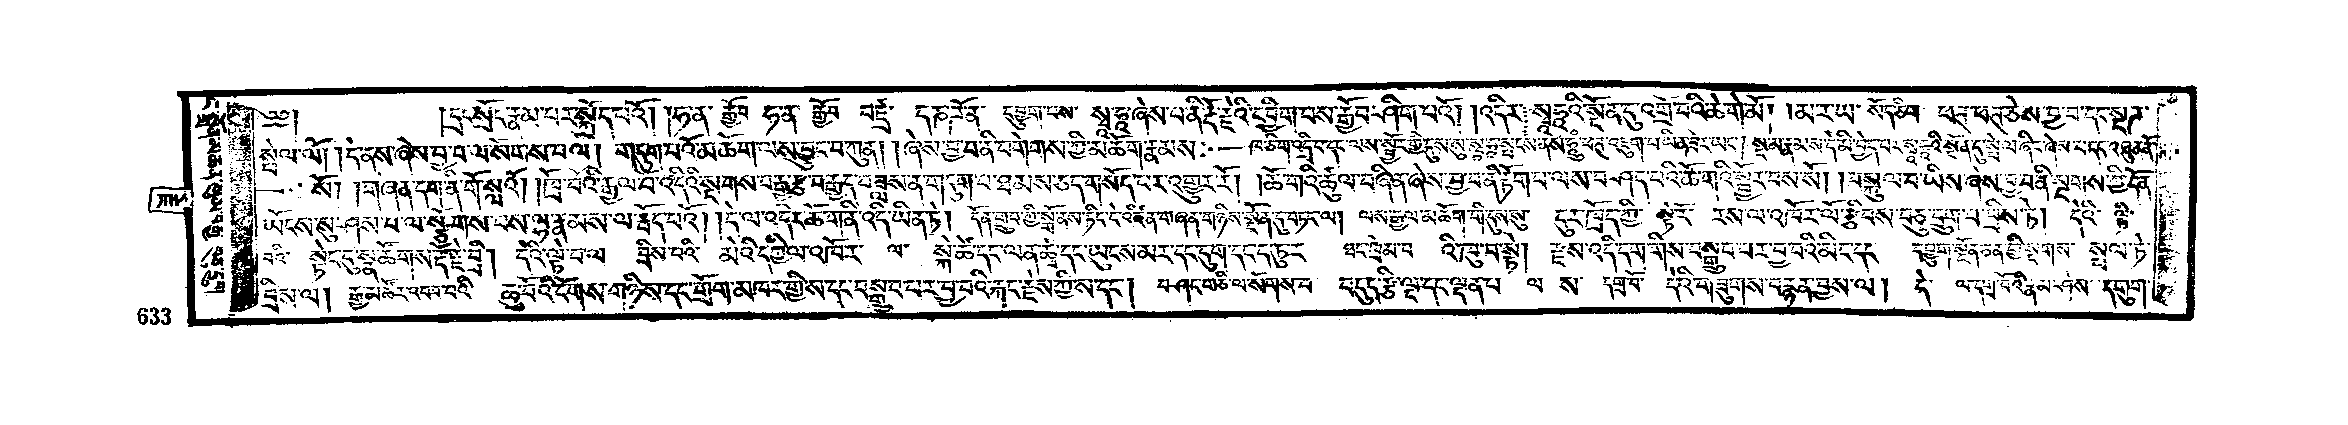༄༅། །དྲང་སྲོང་རྣམ་པར་སྐྲོད་པའོ། །ཧ་ན་རྒྱོབ་ཧ་ན་རྒྱོབ་བཛྲ་ད་ཎ་ཌ་ན་དབྱུག་པས་སྭཱ་ཧཱ་ཞེས་པ་ནི་རྡོ་རྗེའི་དབྱིག་པས་རྒྱོབ་ཤིག་པའོ། །འདིར་སྭཱ་ཧཱའི་སྔོན་དུ་འགྲོ་བའི་ཆེ་གེ་མོ། །མ་ར་ཡ་སོད་ཅིག་ཕཊ་ཕཊ་ཅེས་བྱ་བ་དང་སྔགས་
སྤེལ་ལོ། །དེ་ནས་ཞེས་བྱ་བ་ལ་སོགས་པ་ལ། གདུག་པའི་མཆོག་ལས་བྱུང་བ་ཀུན། །ཞེས་བྱ་བ་ནི་བགེགས་ཀྱི་མཆོག་རྣམསཿ་ཁ་ཅིག་འདྲི་བ་དང་ལས་སྦྱོར་གྱི་དུས་སུ་སྭཱ་ཧཱ་སྤངས་ནས་ཧཱུཾ་ཕཊ་འཇུག་པ་ཡིན་ཟེར་ཡང་། སྔ་མ་རྣམས་དེ་མི་བྱེད་པར་སྭཱ་ཧཱའི་སྔོན་དུ་སྤེལ་ཞིང་ཞེས་པ་དང་འཐུན་ནོ།།
.H སོ། །གཞན་དག་ནི་གོ་སླའོ། །ཁྲོ་བའི་རྒྱལ་པོ་འདིའི་སྔགས་བརྒྱ་རྩ་བརྒྱད་བཟླས་ན་གདུག་པ་ཐམས་ཅད་གསོད་པར་འགྱུར་རོ། །ཆོ་གའི་ཚུལ་བཞིན་ཞེས་བྱ་བ་ནི་རྟོག་པ་ལས་བཤད་པའི་ཆོ་གའི་སྦྱོར་བས་སོ། །བསྐུལ་བ་ཡིས་ཞེས་བྱ་བ་ནི་སྔགས་ཀྱི་དོན་
ཡོངས་སུ་ཤས་པ་ལ་སྩེགས་པས་ལྷ་རྣམས་ལ་རྦོད་པའོ། །དེ་ལ་འདིར་ཆོ་ག་ནི་འདི་ཡིན་ཏེ། དོན་གྲུབ་ཀྱི་སྒོ་ནས་ཏིང་ངེ་འཛིན་གཞན་གཉིས་སྔོན་དུ་བཏང་ལ། ལས་རྒྱལ་མཆོག་གི་དུས་སུ་དུར་ཁྲོད་ཀྱི་སྟེ་རོ་རས་ལ་འཁོར་ལོ་རྩིབས་བཅུ་དྲུག་པ་བྲིས་ཏེ། དེའི་ལྟེ་
བའི་སྟེང་དུ་སྣ་ཚོགས་རྡོ་རྗེ་བྲི། དེའི་ལྟེ་བ་ལ་བྲིས་པའི་མེའི་དཀྱིལ་འཁོར་ལ་སྐེ་ཚེ་དང་ལན་ཚྭ་དང་ཡུངས་མར་དང་དུག་དང་ད་ཏུ་ར་ཐང་ཕྲེམ་པའི་ཁུ་བ་སྟེ། རྫས་འདི་དག་གིས་བསྒྲུབ་པར་བྱ་བའི་མིང་དང་དབྱུག་སོན་ཅན་གྱི་སྔགས་སྤལ་ཏེ་
བྲིས་ལ། རྒྱ་མཚོར་འབབ་པའི་ཆུ་བོའི་དོགས་གཉིས་དང་གྲོག་མཁར་གྱི་ས་དང་བསྒྲུབ་པར་བྱ་བའི་རྐང་རྗེས་ཀྱི་ས་དང་། བཤང་གཅི་ལ་སོགས་པ་བདུད་རྩི་ལྔ་དང་ལྡན་པ་ལས་དགྲ་བོ་དེའི་གཟུགས་བརྙན་བྱས་ལ། དེ་ལ་དགྲ་བོའི་རྣམ་ཤེས་དགུག་